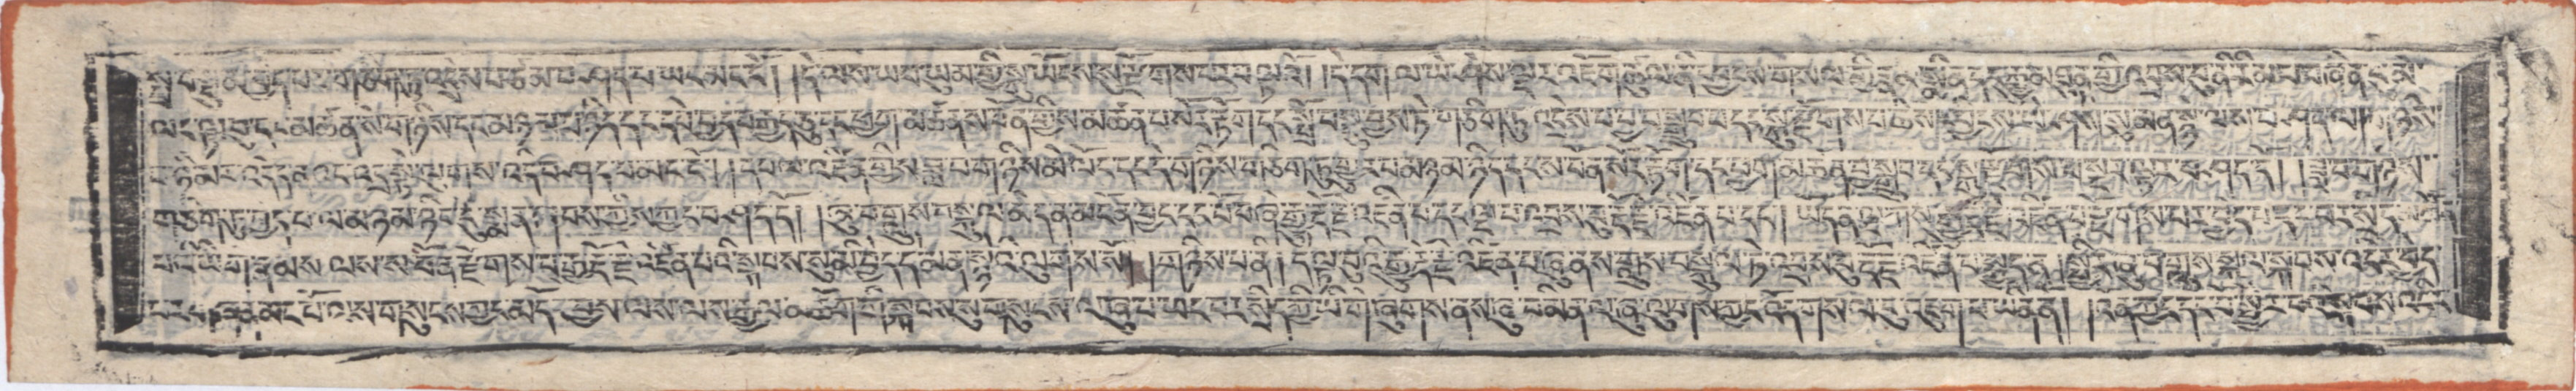སྤྲོ་བསྡུ་མི་བྱེད་པར་གཅིག་ཏུ་འདྲེས་པ་ཙམ་བཤད་པ་ཡང་མང་ངོ། །དེ་ལས་ཡབ་ཡུམ་གྱི་སྐུ་ཡོངས་སུ་རྫོགས་པར་བལྟའོ། །དེ་དག་ལ་ཡེ་ཤེས་ལྔར་འཇོག་ཚུལ་ནི་དབྱངས་གསལ་གྱི་རྣམ་སྨིན་དང་རྒྱུ་མཐུན་གྱི་འབྲས་བུ་ནི་རིམ་པ་བཞིན་དུ་མེ་
ལང་ལྟ་བུ་དང་མཚན་སོ་གཉིས་དང་མཉམ་པ་ཉིད་དང་དཔེ་བྱད་བརྒྱད་ཅུ་དང་ཕྱག་མཚན་ས་བོན་གྱིས་མཚན་པ་སོར་རྟོག་དང་སྤྲོ་བསྡུ་བྱས་ཏེ་གཅིག་ཏུ་འདྲེས་པ་བྱ་བ་སྒྲུབ་པ་དང་སྐུ་རྫོགས་པ་ཆོས་དབྱིངས་ཡེ་ཤེས་སུ་མན་སྙེ་ལས་བཤད་ལ། གཉིས་
པ་ཉི་མར་འདོད་ནའང་འདྲ་སྟེ་ལུགས་འདི་བཤད་པ་མང་ངོ། །དཔལ་འཛིན་གྱིས་ཟླ་བ་གཉིས་མེ་ལོང་དང་དེ་གཉིས་གཅིག་ཏུ་གྱུར་པ་མཉམ་ཉིད་དང་ས་བོན་སོར་རྟོག་དང་ཕྱག་མཚན་བྱ་སྒྲུབ་དང་སྐུ་རྫོགས་པ་སྔར་ལྟར་བཤད་དོ། །ཟླ་བ་གཉིས་
གཅིག་ཏུ་བྱེད་པ་ལ་མཉམ་ཉིད་དུ་སྨན་ཞབས་ཀྱིས་ཀྱང་བཤད་དོ། །ཞུ་བ་གླུས་བསྐུལ་མེད་ན་མངོན་བྱང་དང་པོ་བཞི་རྒྱུ་རྡོ་རྗེ་འཛིན་པ་དང་ལྔ་པ་འབྲས་བུ་རྡོ་རྗེ་འཛིན་པ་དང་། ཡོད་ན་ལྔ་ཀས་རྒྱུ་རྡོ་རྗེ་འཛིན་པ་རྫོགས་པར་བྱེད་པ་དང་བར་སྲིད་མཚོན་
པའི་ཡི་གེ་རྣམས་ལས་ས་བོན་རྫོགས་པ་རྒྱུ་རྡོ་རྗེ་འཛིན་པའི་སྐབས་སུ་མི་བྱེད་དེ་མན་སྙེའི་ལུགས་སོ། །གཉིས་པ་ནི། དེ་ལྟ་བུའི་རྒྱུ་རྡོ་རྗེ་འཛིན་པ་ཞུ་ནས་གླུས་བསྐུལ་ཏེ་འབྲས་བུ་རྡོ་རྗེ་འཛིན་པ་སྐྱད་ན། སྤྱིར་ཞུ་བ་གླུས་སྐུལ་སྐབས་འདིར་བྱེད་
པར་གཞན་མང་པོ་ལས་གསུངས་ཀྱང་མདོར་བྱས་ལས་ལས་རྒྱལ་མཆོག་གི་སྐབས་སུ་གསུངས་ལ་ཞུ་པ་ཡང་བར་སྲིད་ཀྱི་ཡི་གེ་ཞུགས་ནས་ཞུ་བ་མིན་ལ་ཞུ་ལུགས་ཀྱང་འོད་གསལ་དུ་འཇུག་པ་ཡིན་ནོ། །འོན་ཀྱང་དང་པོ་སྦྱོར་བའི་སྐབས་འདིར་